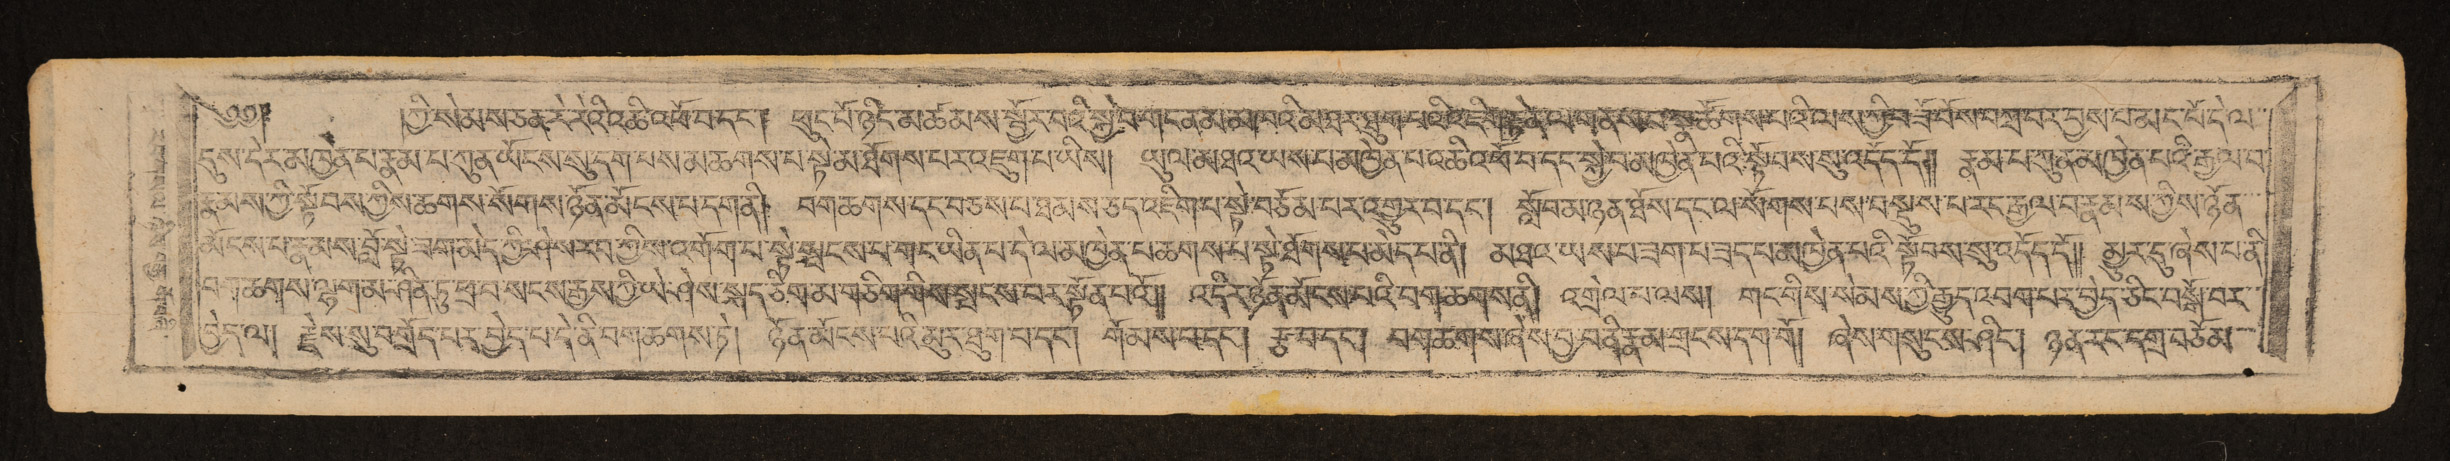༄༅། །ཀྱི་སེམས་ཅན་རེ་རེའི་འཆི་འཕོ་བ་དང་། ཕུང་པོ་ཉིང་མཚམས་སྦྱོར་བའི་སྐྱེ་བ་གང་ནམ་མཁའི་མཐར་ཐུག་པའི་འཇིག་རྟེན་ལ་གནས་པ་སྣ་ཚོགས་པའི་ལས་ཀྱི་བཟོ་བོས་བཀྲ་བར་བྱས་པ་མང་པོ་དེ་ལ་
དུས་དེར་མཁྱེན་པ་རྣམ་པ་ཀུན་ཡོངས་སུ་དག་པས་མ་ཆགས་པ་སྟེ་མ་ཐོགས་པར་འཇུག་པ་ཡིས། ཡུལ་མཐའ་ཡས་པ་མཁྱེན་པ་འཆི་འཕོ་བ་དང་སྐྱེ་བ་མཁྱེན་པའི་སྟོབས་སུ་འདོད་དོ།། རྣམ་པ་ཀུན་མཁྱེན་པའི་རྒྱལ་བ་
རྣམས་ཀྱི་སྟོབས་ཀྱིས་ཆགས་སོགས་ཉོན་མོངས་པ་དག་ནི། བག་ཆགས་དང་བཅས་པ་ཐམས་ཅད་འཇིག་པ་སྟེ་བཅོམ་པར་འགྱུར་བ་དང་། སློབ་མ་ཉན་ཐོས་དང་ལ་སོགས་པས་བསྡུས་པ་རང་རྐྱལ་བ་རྣམས་ཀྱིས་ཉོན་
མོངས་པ་རྣམས་བློ་སྟེ་ཟག་མེད་ཀྱི་ཤེས་རབ་ཀྱིས་འགོག་པ་སྟེ་སྤངས་པ་གང་ཡིན་པ་དེ་ལ་མཁྱེན་པ་ཆགས་པ་སྟེ་ཐོགས་པ་མེད་པ་ནི། མཐའ་ཡས་པ་ཟག་པ་ཟད་པ་མཁྱེན་པའི་སྟོབས་སུ་འདོད་དོ།། མྱུར་དུ་ཞེས་པ་ནི་
བག་ཆགས་ལྷག་མ་ཤིན་ཏུ་ཕྲ་བ་སངས་རྒྱས་ཀྱི་ཡེ་ཤེས་སྐད་ཅིག་མ་གཅིག་གིས་སྤངས་པར་སྟོན་པའོ།། འདིར་ཉོན་མོངས་པའི་བག་ཆགས་ནི། འགྲེལ་པ་ལས། གང་གིས་སེམས་ཀྱི་རྒྱུད་འབག་པར་བྱེད་ཅིང་བསྒོ་བར་
བྱེད་ལ། རྗེས་སུ་བགྲོད་པར་བྱེད་པ་དེ་ནི་བག་ཆགས་ཏེ། ཉོན་མོངས་པའི་མུར་ཐུག་པ་དང་། གོམས་པ་དང་། རྩ་བ་དང་། བག་ཆགས་ཞེས་བྱ་བ་ནི་རྣམ་གྲངས་དག་གོ། ཞེས་གསུངས་ཤིང་། ཉན་རང་དགྲ་བཅོམ་